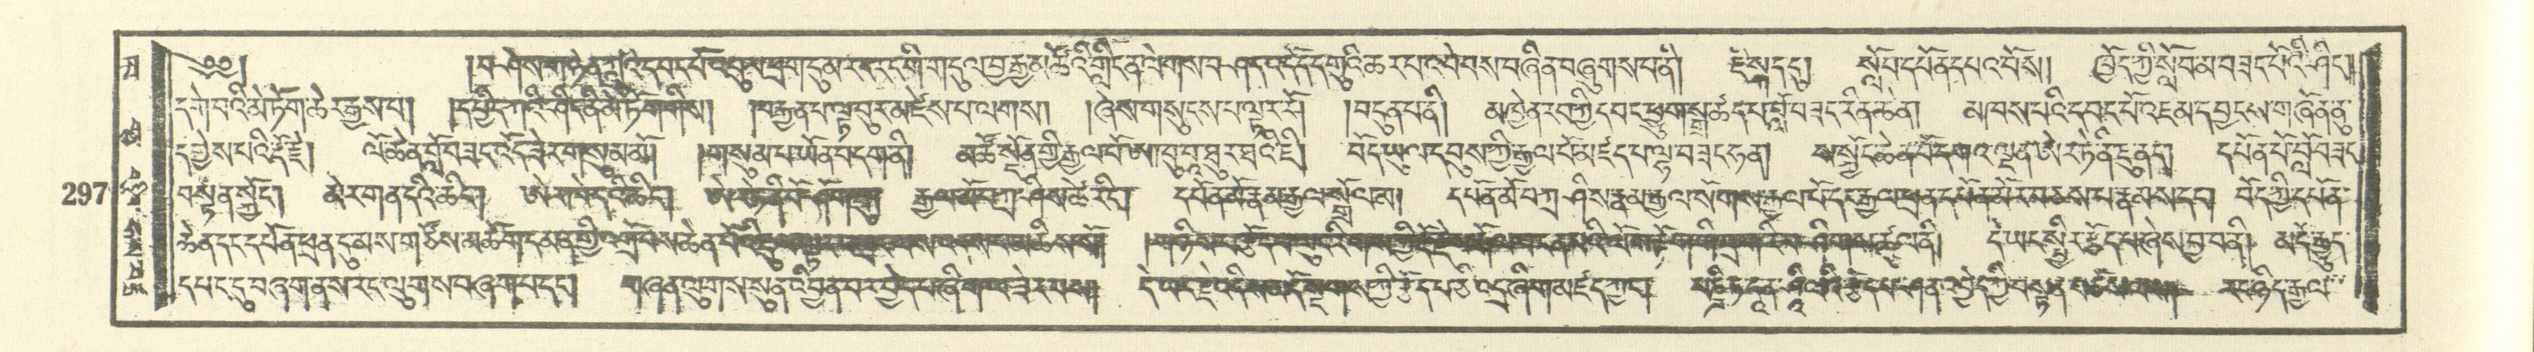༄༅། །བཤེས་གཉེན་ཀླུའི་དབང་པོ་འབུམ་ཕྲག་དུ་མ་རང་རང་གི་གདུལ་བྱ་རྒྱ་མཚོའི་གླིང་ན་ལེགས་བཤད་འདོད་དགུའི་ཆར་པ་འབེབས་བཞིན་བཞུགས་པ་ནི། ཇི་སྐད་དུ། སློབ་དཔོན་དཔའ་བོས། ཁྱོད་ཀྱི་སློབ་མ་བཟང་པོའི་ཤིད།
དགེ་བའི་མེ་ཏོག་ཆེར་རྒྱས་པ། །དཔྱིད་ཀའི་ཤིང་ནི་མེ་ཏོག་གིས། །བརྒྱན་པ་ལྟ་བུར་མཛེས་པ་ལགས། །ཞེས་གསུངས་པ་ལྟར་རོ། །བདུན་པ་ནི། མཁྱེན་རབ་ཀྱི་དབང་ཕྱུག་སྒྲ་ཚད་པ་བློ་བཟང་རིན་ཆེན། མཁས་པའི་དབང་པོ་འཇམ་དབྱངས་གཞོན་ནུ་
དགྱེས་པའི་རྡོ་རྗེ། ལོ་ཆེན་བློ་བཟང་འོད་ཟེར་གསུམ་མོ། །གསུམ་པ་ཡོན་བདག་ནི། མཚོ་སྔོན་གྱི་རྒྱལ་པོ་ཨ་ཁུ་བཱ་ཐུར་ཐའི་ཇི། བོད་ཡུལ་དབུས་ཀྱི་རྒྱལ་པོ་མཛད་པ་ལྷ་བཟང་ཧན། ས་སྐྱོང་ཆེན་པོ་དགའ་ལྡན་ཨེར་ཏེ་ནི་ཇུ་ནད། དཔོན་པོ་བློ་བཟང་
བསྟན་སྐྱོང་། མེར་གན་དའི་ཆིང་། ཨེར་ཁེ་དའི་ཆིང་། ཨེར་ཏེ་ནི་བོ་ཤོག་ཐུ། རྒྱལ་མོ་བཀྲ་ཤིས་ཚེ་རིང་། དཔོན་མོ་རྣམ་རྒྱལ་སྒྲོ་ལམ། དཔོན་མོ་བཀྲ་ཤིས་རྣམ་རྒྱལ་སོགས་རྒྱལ་པོ་དང་རྒྱལ་ཕྲན་དཔོན་མོར་བཅས་པ་རྣམས་དང་། བོད་ཀྱི་དཔོན་
ཆེན་དང་དཔོན་ཕྲན་དུ་མས་གཙོས་མཆོག་དམན་གྱི་འགྲོ་བ་ས་ཆེན་པོའི་རྡུལ་ལྟར་བགྲང་ལས་འདས་པ་མཆིས་སོ། །གཉིས་པ་རྩོད་པ་ལུང་རིགས་ཀྱི་རྡོ་རྗེས་རྒོལ་བ་ངང་པའི་ལོག་རྟོག་གི་བྲག་རི་བཤིགས་ཚུལ་ནི། དེ་ཡང་སྦྱིར་རྩོ་དར་ཞེས་བྱ་བ་ནི། མདོ་རྒྱུད་
དཔང་དུ་བཞག་ནས་རང་ལུགས་བཞག་པ་དང་། གཞན་ལུགས་སུན་འབྱིན་པར་བྱེད་པ་ཞིག་ལ་ཟེར་བས། དེ་ཡང་རྗེ་འདིས་མདོ་སྔགས་ཀྱི་རྩོད་པ་ཅི་འདྲ་ཞིག་མཛད་ཀྱང་། པཎྜི་ད་ན་ཤཱི་ལའི་རྩོད་པ་ཤན་འབྱེད་ཀྱི་བསྟན་བཅོས་ལས། རང་ཉིད་རྒྱལ་